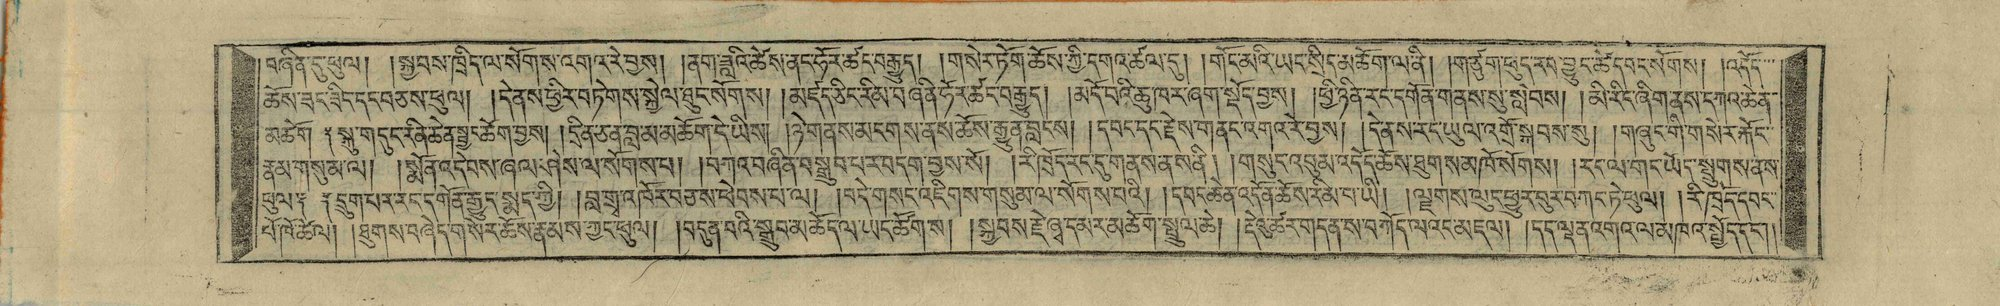བཞིན་དུ་ཕུལ། །སྐྱབས་ཁྲིད་ལ་སོགས་འགའ་རེ་བྱས། །ནག་ཟླའི་ཚེས་ནང་ཧོར་ཚང་བརྒྱུད། །གསེར་ཏོག་ཆོས་ཀྱི་དགའ་ཚལ་དུ། །གོང་མའི་ཡང་སྲིད་མཆོག་ལ་ནི། །གཙུག་ཕུད་རབ་བྱུང་ཚེ་དབང་སོགས། །འདོད་
ཆོས་ཟང་ཟིང་དང་བཅས་ཕུལ། །དེ་ནས་ཕྱིར་བཏེགས་སྐྱེལ་ཐུང་སོགས། །མཛད་ཅིང་རིམ་བཞིན་ཧོར་ཚང་བརྒྱུད། །མདོ་བའི་ཆུ་ཁར་ཞག་སྡོད་བྱས། །ཕྱི་ཉིན་རང་དགོན་གནས་སུ་སླེབས། །མི་རིང་ཞིག་ནས་དཀའ་ཆེན་
མཆོག །སྐུ་གདུང་རིན་ཆེན་སྦྱང་ཆོག་བྱས། །དྲིན་ཅན་བླ་མ་མཆོག་དེ་ཡིས། །ཉེ་གནས་མངགས་ནས་ཆོས་རྒྱུན་བླངས། །དབང་དང་རྗེས་གནང་འགའ་རེ་བྱས། །དེ་ནས་རང་ཡུལ་འགྲོ་སྐབས་སུ། །གཞུང་གི་གསེར་རྐོང་
རྣམ་གསུམ་ལ། །སྨོན་འདེབས་ཞལ་ཤེས་ལ་སོགས་པ། །བཀའ་བཞིན་བསྒྲུབ་པར་བདག་བྱས་སོ། །རི་ཁྲོད་རང་དུ་གནས་ནས་ནི། །གསུང་འབུམ་འདོད་ཆོས་ཐུགས་མཁོ་སོགས། །རང་ལ་གང་ཡོད་སྤྲུགས་ནས་
ཕུལ། །དྲུག་པར་རང་དགོན་རྒྱུད་སྨད་ཀྱི། །བླ་གྲྭ་འཁོར་བཅས་ཕེབས་པ་ལ། །བདེ་གསང་འཇིགས་གསུམ་ལ་སོགས་པའི། །དབང་ཆེན་འདོན་ཆོས་རིམ་པ་ཡི། །ལྗགས་ལུང་ཕྱུར་བུར་བཀང་ཏེ་ཕུལ། །རི་ཁྲོད་དབང་
པོ་ཁོ་ཚེ་ལ། །ཐུགས་བཞེད་གསེར་ཆོས་རྣམས་ཀྱང་ཕུལ། །བདུན་པའི་སྒྲུབ་མཆོད་ལ་ཡང་ཚོགས། །སྐྱབས་རྗེ་ཞྭ་དམར་མཆོག་སྤྲུལ་ཆེ། །རྡེའུ་ཚར་གདན་ས་བཀོད་ལའང་མཇལ། །དད་ལྡན་འགའ་ལ་མཁའ་སྤྱོད་དང་། །